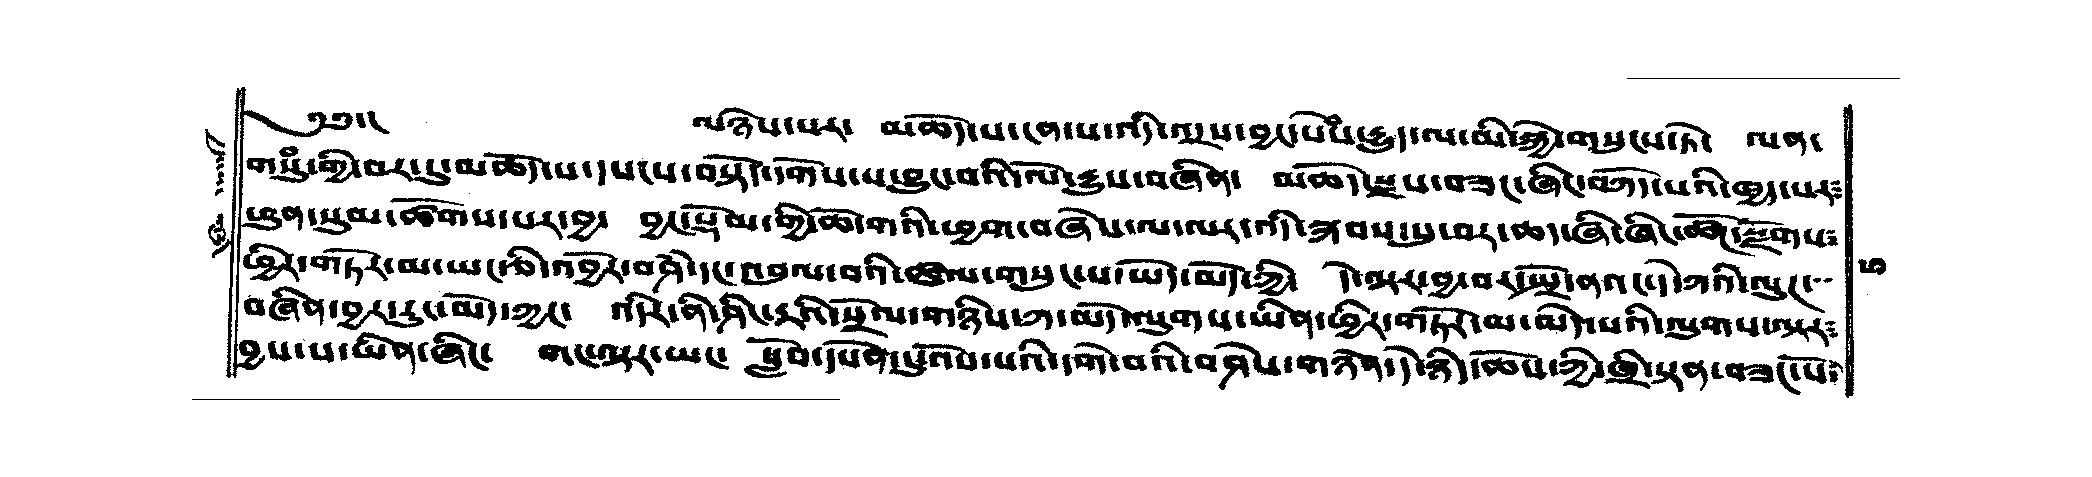མཉེས་པར། མཆོད་པ་ངན་པ་འདི་འདྲས་བྱང་སེམས་རྒྱུད་ལ་མི་སྐྱེ་གསུངས་ཏེ། ལན་
གསུམ་གྱི་བར་དུ་མཆོད་པ་དཔངས་བསྟོད་དགོས་པ་བྱུང་བའི་ལོ་རྒྱུས་བཞིན། མཆོད་རྫས་བཟང་ཞིང་བཀོད་པའི་ཁྱད་པར་
ཕུན་སུམ་ཚོགས་པར་བྱ།བྱང་སྡོམ་གྱི་ཆོ་གའི་ཕྱག་བཞེས་ལ་ལར་འདི་སྐབས་སུ་བར་ཆད་ཞི་ཞིང་ཚོགས་རྫོགས་
ཕྱིར་གཏོར་མ་ཡང་ཅི་འབྱོར་བཤམ་དང་འབུལ་བའི་ཚུལ་གསུང་པ་ཡོད་མོད་ཀྱི། དེ་ལྟར་བྱ་བར་སྤྲོ་ནའང་དེ་ཀའི་ལུགས་
བཞིན་བྱར་རུང་མོད་ཀྱང་། འདིར་ནི་ཤིང་རྟའི་སྲོལ་གཉིས་ཀ་མདོ་ལུགས་ཡིན་ཕྱིར་གཏོར་མ་མེད་པའི་ལུགས་ལྟར་
བྱས་པ་ཡིན་ཞིང་། གང་ལྟར་ཡང་། སློབ་དཔོན་དུ་འོས་པའི་དགེ་བའི་བཤེས་གཉེན་དེ་ཉིད་ཆོས་ཀྱི་ཁྲི་སྟན་བཟང་པོ་